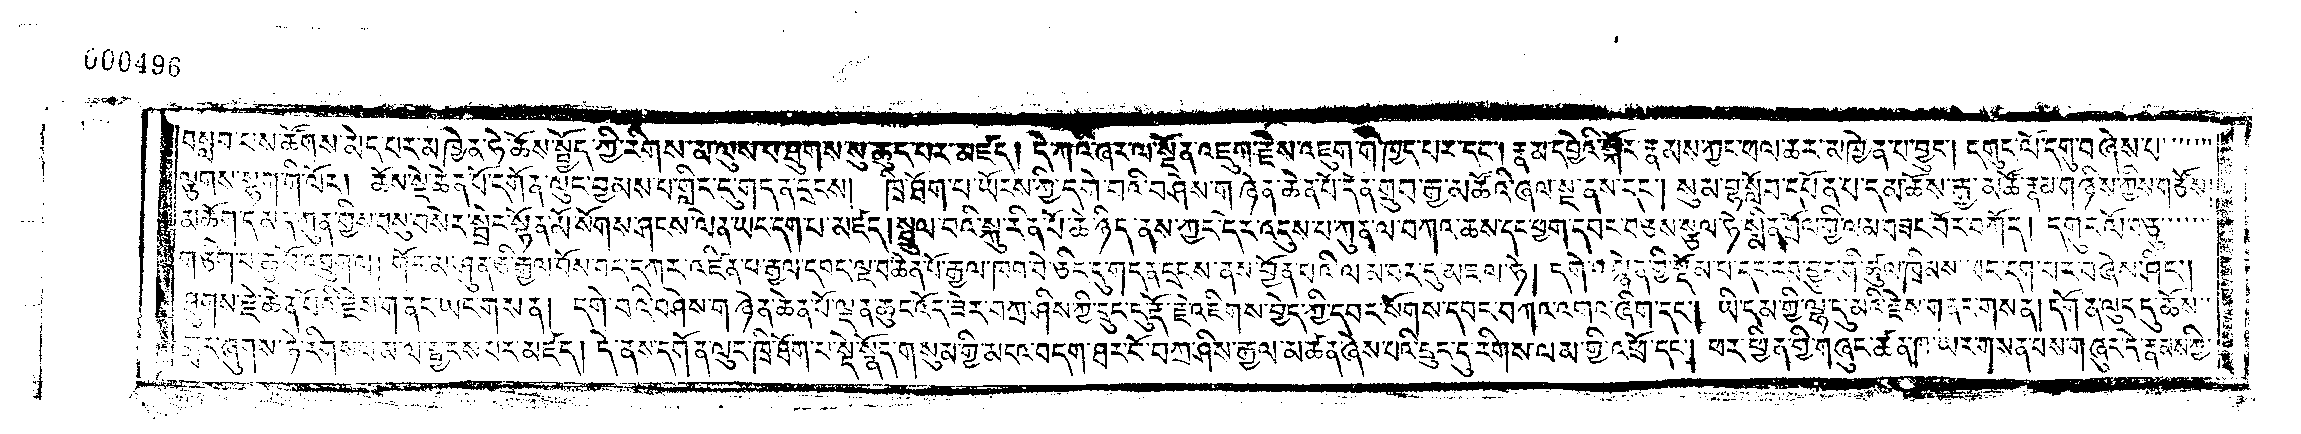བསླབ་པས་ཚོགས་མེད་པར་མཁྱེན་ཏེ་ཆོས་སྤྱོད་ཀྱི་རིགས་མ་ལུས་པ་ཐུགས་སུ་ཆུད་པར་མཛད། དེ་ཀའི་ཞར་ལ་སྔོན་འཇུག་རྗེས་འཇུག་གི་ཁྱད་པར་དང་། རྣམ་དབྱེའི་སྐོར་རྣམས་ཀྱང་ཕལ་ཆེར་མཁྱེན་པ་བྱུང་། དགུང་ལོ་དགུ་བཞེས་པ་
ལྕགས་སྟག་གི་ལོར། ཆོས་སྡེ་ཆེན་པོ་དགོན་ལུང་བྱམས་པ་གླིང་དུ་གདན་དྲངས། ཁྲི་ཐོག་པ་ཡོངས་ཀྱི་དགེ་བའི་བཤེས་གཉེན་ཆེན་པོ་དོན་གྲུབ་རྒྱ་མཚོའི་ཞལ་སྔ་ནས་དང་། སུམ་བྷ་སློབ་དཔོན་པ་དམ་ཆོས་རྒྱ་མཚོ་རྣམ་གཉིས་ཀྱིས་གཙོས།
མཆོག་དམན་ཀུན་གྱིས་བསུ་བ་སེར་སྦྲེང་སྟོན་མོ་སོགས་ཤངས་ལེན་ཡང་དག་པ་མཛད། སྤྲུལ་བའི་སྐུ་རིན་པོ་ཆེ་ཉིད་ནས་ཀྱང་དེར་འདུས་པ་ཀུན་ལ་བཀའ་ཆོས་དང་ཕྱག་དབང་བཅས་སྩལ་ཏེ་སྨིན་གྲོལ་གྱི་ལམ་བཟང་པོར་བཀོད། དགུང་ལོ་བཅུ་
གཅིག་པ་ཆུ་ཕོ་འབྲུག་ལ། གོང་མ་ཤུན་ཅི་རྒྱལ་པོས་པད་དཀར་འཛིན་པ་རྒྱལ་དབང་ལྔ་པ་ཆེན་པོ་རྒྱལ་ཁབ་བེ་ཅིང་དུ་གདན་དྲངས་ནས་བྱོན་པའི་ལམ་བར་དུ་མཇལ་ཏེ། དགེ་བསྙེན་གྱི་སྡོམ་པ་དང་རབ་བྱུང་གི་ཚུལ་ཁྲིམས་ཡང་དག་པར་བཞེས་ཤིང་།
ཐུགས་རྗེ་ཆེན་པོའི་རྗེས་གནང་ཡད་གསན། དགེ་བའི་བཤེས་གཉེན་ཆེན་པོ་ལྡན་ཆུང་འོད་ཟེར་བཀྲ་ཤིས་ཀྱི་དྲུང་དུ་རྡོ་རྗེ་འཇིགས་བྱེད་ཀྱི་དབང་སོགས་དབང་བཀའ་འགའ་ཞིག་དང་། ཡི་དམ་གྱི་ལྷ་དུ་མའི་རྗེས་གནང་གསན། དགོན་ལུང་དུ་ཆོས་
གྲྭར་ཞུགས་ཏེ་རིགས་ལམ་ལ་སྦྱངས་པར་མཛད། དེ་ནས་དགོན་ལུང་ཁྲི་ཐོག་པ་སྡེ་སྣོད་གསུམ་གྱི་མངའ་བདག་ཐར་བོ་བཀྲ་ཤིས་རྒྱལ་མཚན་ཞེས་པའི་དྲུང་དུ་རིགས་ལམ་གྱི་འཕྲོ་དང་། ཕར་ཕྱིན་གྱི་གཞུང་ཚན་ཁ་ཡར་གསན་པས་གཞུང་དེ་རྣམས་ཀྱི་